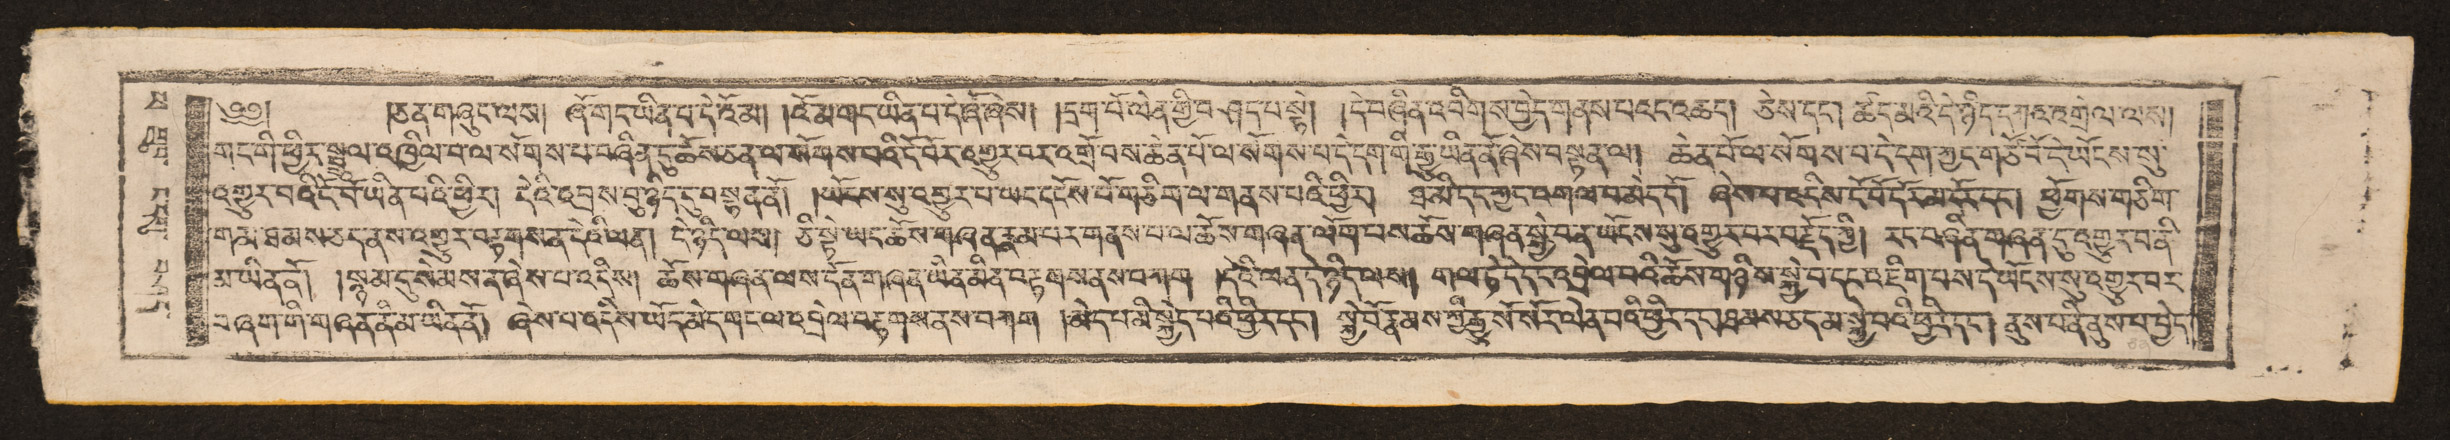༄༅། །ཅན་གཞུང་ལས། ཞོ་གང་ཡིན་པ་དེ་འོ་མ། །འོ་མ་གང་ཡིན་པ་དེ་ཞོ་ཞེས། །དྲག་པོ་ལེན་གྱི་བཤད་པ་སྟེ། །དེ་བཞིན་འབིགས་བྱེད་གནས་པའང་འཆད། ཅེས་དང་། ཚད་མའི་དེ་ཉིད་དཀའ་འགྲེལ་ལས།
གང་གི་ཕྱིར་སྦྲུལ་འཁྱིལ་བ་ལ་སོགས་པ་བཞིན་དུ་ཆོས་ཅན་ལ་སོགས་པའི་ངོ་བོར་འགྱུར་བར་འགྲོ་བས་ཆེན་པོ་ལ་སོགས་པ་དེ་དག་གི་རྒྱུ་ཡིན་ནོ་ཞེས་བསྟན་ལ། ཆེན་པོ་ལ་སོགས་པ་དེ་དག་ཀྱང་གཙོ་བོ་དེ་ཡོངས་སུ་
འགྱུར་བའི་ངོ་བོ་ཡིན་པའི་ཕྱིར། དེའི་འབྲས་བུ་ཉིད་དུ་བསྟན་ནོ། །ཡོངས་སུ་འགྱུར་པ་ཡང་དངོས་པོ་གཅིག་ལ་གནས་པའི་ཕྱིར། ཐ་མི་དད་ཀྱང་འགལ་བ་མེད་དོ། ཞེས་པ་འདིས་ངོ་བོ་དོར་མ་དོར་དང་། ཕྱོགས་གཅིག་
གམ་ཐམས་ཅད་ནས་འགྱུར་བརྟགས་ན་དེའི་ལན། དེ་ཉིད་ལས། ཅི་སྟེ་ཡང་ཆོས་གཞན་རྣམ་པར་གནས་པ་ལ་ཆོས་གཞན་ལོག་པས་ཆོས་གཞན་སྐྱེ་བ་ན་ཡོངས་སུ་འགྱུར་བར་བརྗོད་ཀྱི། རང་བཞིན་གཞན་དུ་འགྱུར་བ་ནི་
མ་ཡིན་ནོ། །སྙམ་དུ་སེམས་ན་ཞེས་པ་འདིས། ཆོས་གཞན་ལས་དོན་གཞན་ཡིན་མིན་བརྟགས་ནས་བཀག །དེའི་ལན་དེ་ཉིད་ལས། གལ་ཏེ་དེ་དང་འབྲེལ་བའི་ཆོས་གཉིས་སྐྱེ་བ་དང་འཇིག་པས་དེ་ཡོངས་སུ་འགྱུར་བར་
བཞག་གི་གཞན་ནི་མ་ཡིན་ནོ། ཞེས་པ་འདིས་ཡོད་མེད་གང་ལ་འབྲེལ་བརྟགས་ནས་བཀག །མེད་པ་མི་སྐྱེད་པའི་ཕྱིར་དང་། སྐྱེ་བོ་རྣམས་ཀྱི་རྒྱུ་སོ་སོར་ལེན་པའི་ཕྱིར་དང་། ཐམས་ཅད་མ་སྐྱེ་བའི་ཕྱིར་དང་། ནུས་པ་ནི་ནུས་པ་བྱེད་